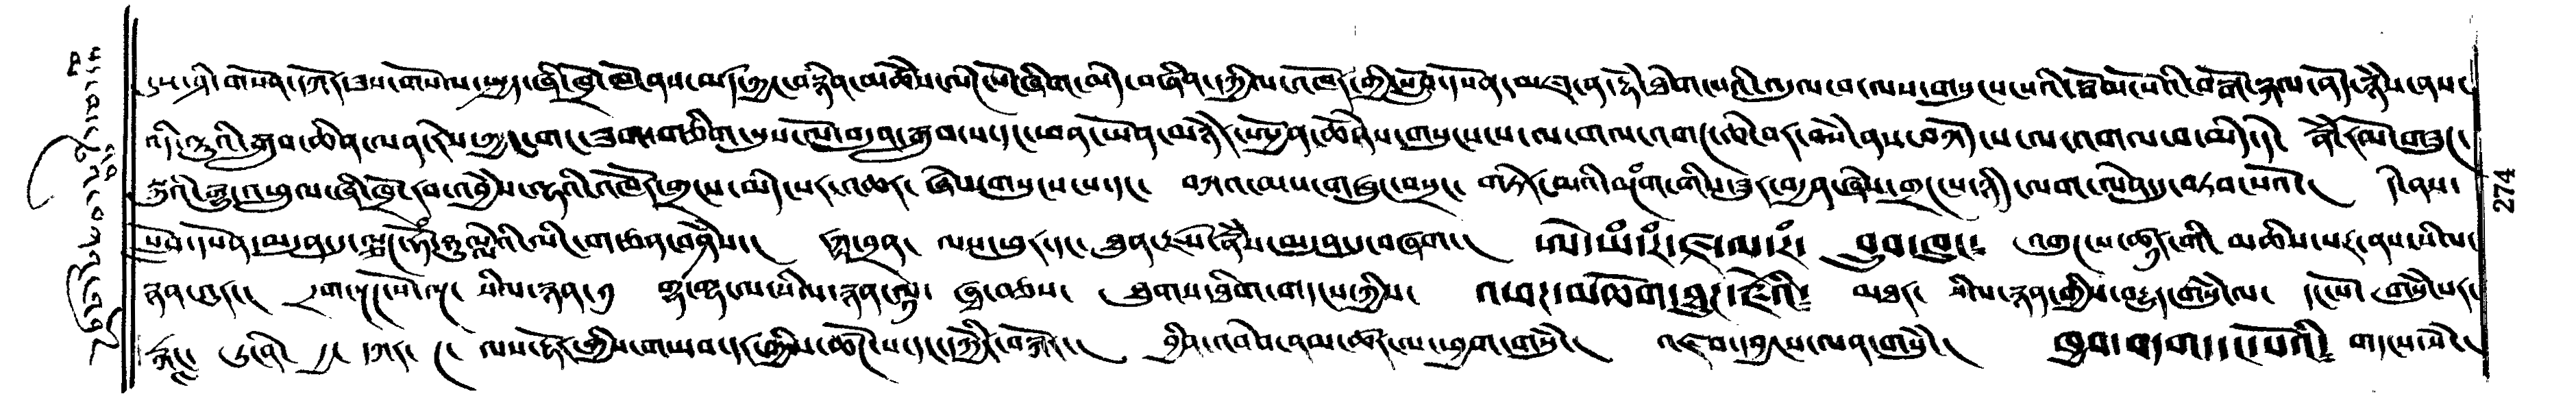དུས་ཤི་གསོན་དཀོར་ཟས་གསོལ་སྤྱད་ཞི་ཁྲོ་ཁོ་ནས་མཛད་ཀྱང་སྙེན་མཚམས་ལེགས་པོ་ཞིག་མེད་བཞིན་དཀྱིལ་འཁོར་གྱི་སློབ་དཔོན་མཛད་ན་རྡོ་རྗེ་ཐེག་པའི་འདུལ་བ་ལས་གསུངས་པའི་སྦོམ་པོའི་བགོ་སྐལ་ནོད་སྙམ་ནས་
འདི་ལྟ་བུའི་སྒྲུབ་ཆེན་ལན་རེས་ཀྱང་གང་ཟག་གཅིག་པུས་ལོ་བདུན་བསྒྲུབས་པ་དང་ཕན་ཡོན་མཉམ་པར་ཨོ་རྒྱན་ཆེན་པོས་གསུངས་པ་ལ་གལ་འགངས་ཆེ་བར་བསམས་ནས་བཀོད་པ་ལ་འགལ་བ་མེད་དེ། རྣམ་རོལ་གཟུགས་
སྐུའི་སྒྱུ་འཕྲུལ་ཞི་ཁྲོ་རབ་འབྱམས་ལྷའི་འཁོར་ལོ་གྲངས་མེད་པར་འཆར་ཞེས་གསུངས་པ་དང་། བཀའ་མས་གཞུང་བསྲངས། གཏེར་མའི་མན་ངག་གིས་ཟུར་བརྒྱན་ཞེས་གྲགས་པ་ཉིད་ལག་ལེན་དུ་བཏབ་པའོ། །དེ་ནས་
སློབ་དཔོན་མདུན་དུ་ལྕགས་ཧོམ་ཉུལླེའི་ལིང་ག་ཅན་བཤམ། རཀྟ་བྲན། ལས་ཕུར་དང་ཐུན་རྫས་རྣམས་མདུན་དུ་གཞག ཨེ་ཡཾ་རཾ་ཛྭ་ལ་རཾཿ བྲུབ་ཁུང༴ འགུགས་པ་ཚར་གཅིག་ག ི་མཆིས་པར༴ ནས་སིལ་
སྙན་འུར། དྲག་སྔགས་སོ་སྔ་སིལ་སྙན། གཅིག གྷ་གྷ་ལ་སི་སྙན། གཅིག ཞྭ་བཅས། ཐུགས་ཐིག་གདངས་ཀྱིས། འཕགས་མཆོག་ཐུགས་རྗེའི༴ མཐར། སིལ་སྙན་གྱིས་བརྒྱུད་གསུམ་ལ། དང་པོ་གསུམ་པར། 
རྐང་། བཞི། དུང་། དཀར། ཌཱ། ལས་རྡོར་ནས་གཡབ་དར་ཀྱིས་ཚོགས་པ་དང་དཀྱིལ་འཁོར་བསྐོར། བྱིན་འབེབས་ནམ་ཚར་ལ་ཕྱག་གསུམ། ཛཔྲ་དབྱངས་ལན་གསུམ། ཁྱབ་བདག་དང་པོའི༴ གདངས་སམ།